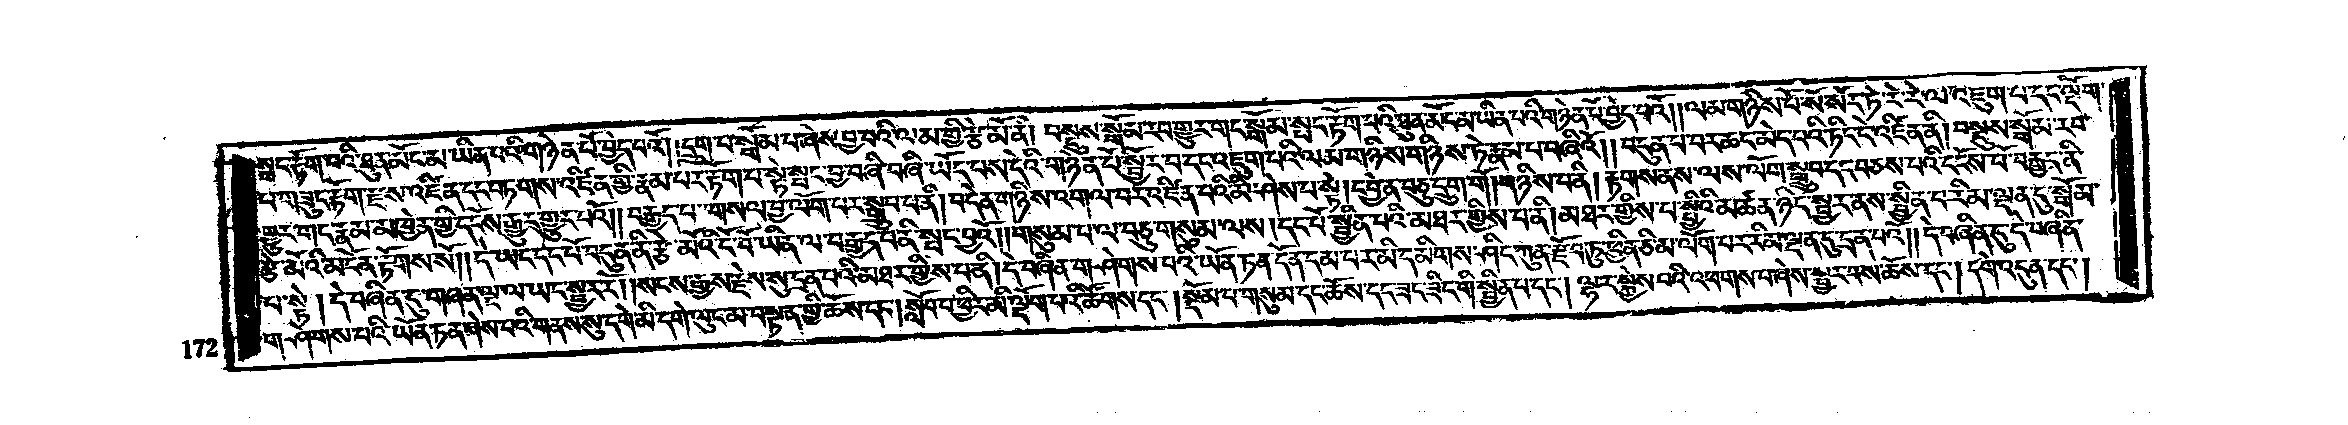སྤང་རྟོག་པའི་ཐུན་མོང་མ་ཡིན་པའི་གཉེན་པོ་བྱེད་པའོ། །དྲུག་པ་སྒོམ་པ་ཞེས་བྱ་བའི་ལམ་གྱི་རྩེ་མོ་ནི། བསྡུས་སྒོམ་རབ་གྱུར་གང་སྒོམ་སྤང་རྟོག་པའི་ཐུན་མོང་མ་ཡིན་པའི་གཉེན་པོ་བྱེད་པའོ། །ལམ་གཉིས་པོ་སོ་སོར་ཏེ་རེ་རེ་ལ་འཇུག་པ་དང་ལྡོག་
པ་གཟུང་རྟོག་རྫས་འཛིན་དང་བཏགས་འཛིན་གྱི་རྣམ་པར་རྟོག་པ་སྟེ་སྤང་བྱ་བཞི་བཞི་ཡོད་པས་དེའི་གཉེན་པོ་སྦྱོར་བ་དང་འཇུག་པའི་ལམ་གཉིས་གཉིས་ཏེ་རྣམ་པ་བཞིའོ། །བདུན་པ་བར་ཆད་མེད་པའི་ཏིང་ངེ་འཛིན་ནི། བསྡུས་སྒོམ་རབ་
གྱུར་གང་རྣམ་མཁྱེན་གྱི་དངོས་རྒྱུར་གྱུར་པའོ། །བརྒྱད་པ་གསལ་བྱ་ལོག་པར་སྒྲུབ་པ་ནི། བདེན་གཉིས་འགལ་བར་འཛིན་པའི་མི་ཤེས་པ་སྟེ། དབྱེ་ན་བཅུ་དྲུག་གོ །གཉིས་པ་ནི། རྟགས་ནས་ལས་ལོག་སྒྲུབ་དང་བཅས་པའི་དངོས་པོ་བརྒྱད་ནི་
རྩེ་མོའི་མངོན་རྟོགས་སོ། །དེ་ཡང་དང་པོ་བདུན་ནི་རྩེ་མོའི་ངོ་བོ་ཡིན་ལ་བརྒྱད་པ་ནི་སྤང་བྱའོ། །གསུམ་པ་ལ་བཅུ་གསུམ་ལས། དང་པོ་སྦྱིན་པའི་མཐར་གྱིས་པ་ནི། མཐར་གྱིས་པ་སྤྱིའི་མཚན་ཉིད་སྦྱར་ནས་སྦྱིན་པ་རིམ་ལྡན་དུ་སྒོམ་
པ་སྟེ། དེ་བཞིན་དུ་གཞན་ལྔ་ལ་ཡང་སྦྱར་རོ། །སངས་རྒྱས་རྗེས་སུ་དྲན་པའི་མཐར་གྱིས་པ་ནི། དེ་བཞིན་གཤེགས་པའི་ཡོན་ཏན་དོན་དམ་པར་མི་དམིགས་ཤིང་ཀུན་རྫོབ་ཏུ་ཕྱིན་ཅི་མ་ལོག་པར་རིམ་ལྡན་དུ་དྲན་པའོ། །དེ་བཞིན་དུ་དེ་བཞིན་
གཤེགས་པའི་ཡོན་ཏན་ཞེས་པའི་གནས་སུ་དགེ་མི་དགེ་ལུང་མ་བསྟན་གྱི་ཆོས་དང་། སློབ་པ་ཕྱིར་མི་ལྡོག་པའི་ཚོགས་དང་། སྡོམ་པ་གསུམ་དང་ཆོས་དང་ཟང་ཟིང་གི་སྦྱིན་པ་དང་། ལྷར་སྐྱེས་པའི་འཕགས་པ་ཞེས་སྦྱར་བས་ཆོས་དང་། དགེ་འདུན་དང་